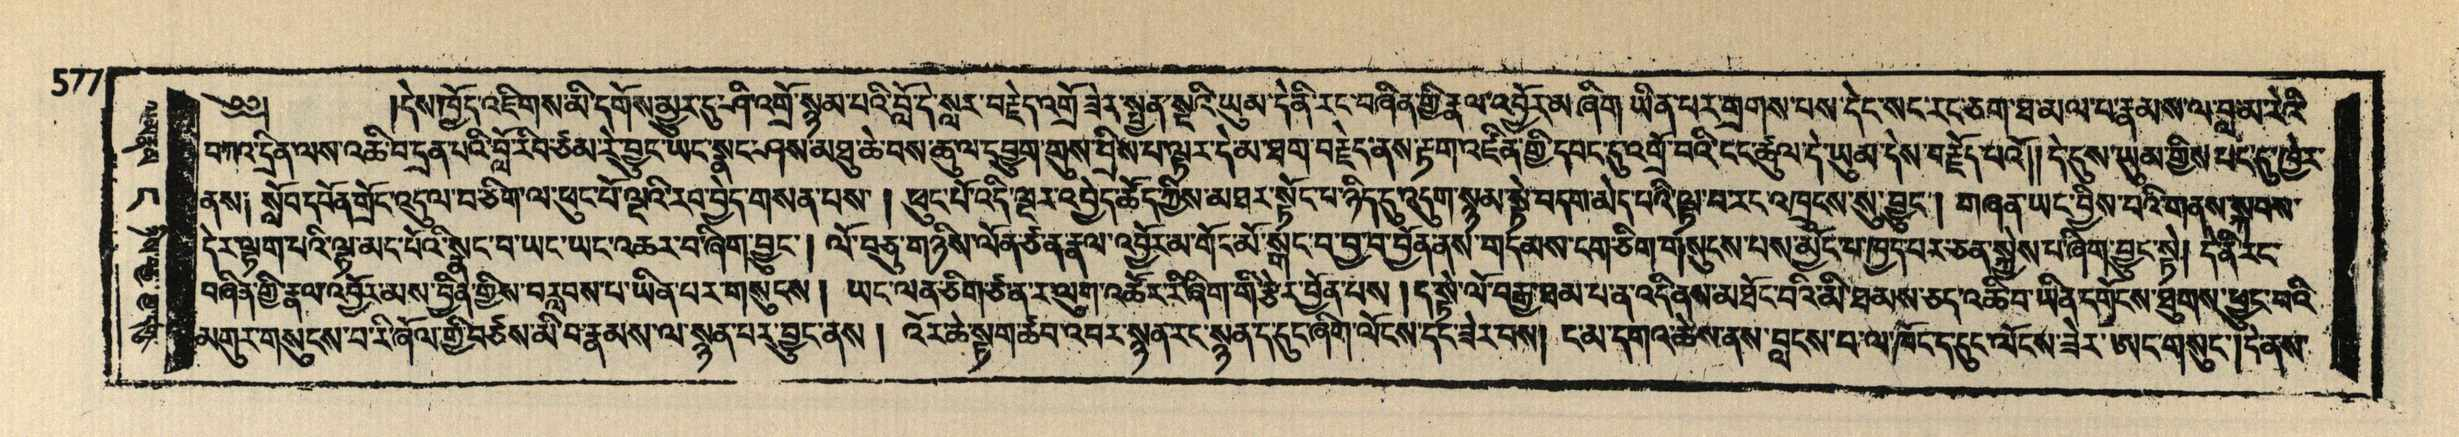༄༅། །དེས་ཁྱོད་འཇིགས་མི་དགོས་མྱུར་དུ་ཤི་འགྲོ་སྙམ་པའི་བློ་དེ་སླར་བརྗེད་འགྲོ་ཟེར་སྤྱན་སྔའི་ཡུམ་དེ་ནི་རང་བཞིན་གྱི་རྣལ་འབོར་མ་ཞིག་ཡིན་པར་གྲགས་པས་དེང་སང་རང་ཅག་ཐ་མལ་པ་རྣམས་ལ་བླ་མ་རེའི་
བཀའ་དྲིན་ལས་འཆི་བ་དྲན་པའི་བློ་རིབ་ཙམ་རེ་བྱུང་ཡང་སྣང་ཤས་མཐུ་ཆེ་བས་ཆུ་ལ་དབྱུག་གུས་བྲིས་པ་ལྟར་དེ་མ་ཐག་བརྗེད་ནས་རྟག་འཛིན་གྱི་དབང་དུ་འགྲོ་བའི་དང་ཚུལ་དེ་ཡུམ་དེས་བརྗོད་པའོ། །དེ་དུས་ཡུམ་གྱིས་པད་དུ་ཁྱེར་
ནས༑ སློབ་དཔོན་གྲོང་འདུལ་བ་ཅིག་ལ་ཕུང་པོ་ལྔའི་རབ་བྱེད་གསན་པས། ཕུང་པོ་འདི་ལྔར་འབྱེད་ཚོད་ཀྱིས་མཐར་སྟོང་པ་ཉིད་དུ་འདུག་སྙམ་སྟེ་བདག་མེད་པའི་ལྟ་བ་རང་འཁྲངས་སུ་བྱུང་། གཞན་ཡང་བྱིས་པའི་གནས་སྐབས་
དེར་ལྷག་པའི་ལྷ་མང་པོའི་སྣང་བ་ཡང་ཡང་འཆར་བ་ཞིག་བྱུང་། ལོ་བཅུ་གཉིས་ལོན་ཙ་ནར་རྣལ་འབྱོར་མ་གོང་མོ་སྒང་བ་བྱ་བ་བྱོན་ནས་གདམས་ངག་ཅིག་གསུངས་པས་མྱོང་པ་ཁྱད་པར་ཅན་སྐྱེས་པ་ཞིག་བྱུང་སྟེ། དེ་ནི་རང་
བཞིན་གྱི་རྣལ་འབྱོར་མས་བྱིན་གྱིས་བརླབས་པ་ཡིན་པར་གསུངས། ཡང་ལན་ཅིག་ཙན་ར་ལུག་འཚོར་རི་ཞིག་གི་རྩེར་བྱོན་པས་།ད་སྟེ་ལོ་བརྒྱ་ཐམ་པ་ན་འདི་ནས་མཐོང་བའི་མི་ཐམས་ཅད་འཆི་བ་ཡིན་དགོངས་ཐུགས་ཕྱུང་བའི་
མགུར་གསུངས་བ་རི་ཞོལ་གྱི་བཙས་མི་བ་རྣམས་ལ་སྙན་པར་བྱུང་ནས། འོར་ཆེ་སྟག་ཚབ་འབར་སྙན་རང་སྙན་ད་དུང་ཞིག་ལོངས་དང་ཟེར་བས། ང་མ་དགའ་ཆེས་ནས་བླངས་བ་ལ་ཁོང་ད་དུང་ལོངས་ཟེར་ཨང་གསུང་།དེ་ནས་